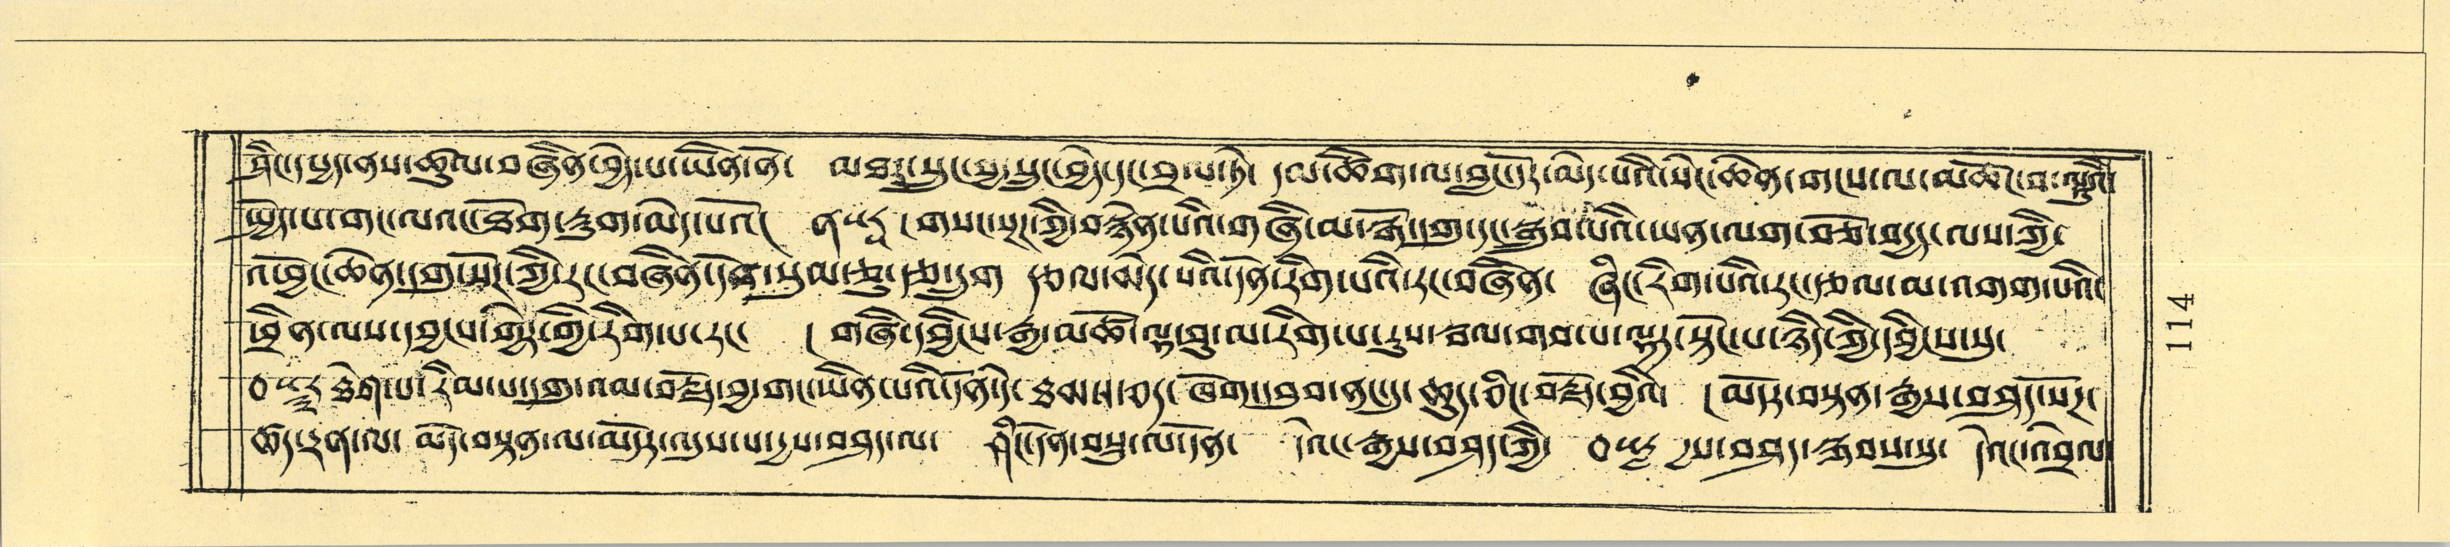ཤིང་དཔྱད་ནས་ཚུལ་བཞིན་བྱེད་པ་ཡིན་ནོ། མཐར་བསྲུང་བྱ་སྲུང་བྱེད་དང་བྲལ་ཏེ། དམ་ཚིག་ལ་བླང་དོར་མེད་པའི་སེང་ཆེན་གངས་ལ་མཆོང་བ་ལྟ་བུའི་
སྤྱོད་པ་གང་ལའང་ཐོགས་རྡུག་མེད་པའོ།། ན༥༨།༥ གསང་སྔགས་ཀྱི་བསྙེན་པའི་གཞི་མ་སྒོ་དགུ་དང་སྒྲུབ་པའི་ཡན་ལག་བཅོ་བརྒྱད་ལས་ཀྱི་
འཕྱོང་ཆེན་དགུ་སོགས་ཀྱི་རང་བཞིན་དོན་སུམ་ཅུ་རྩ་དྲུག་ བརྩལ་མེད་པའི་དོན་རིག་པའི་རང་བཞིན་ ཞིང་རིག་པའི་རང་རྩལ་མ་འགག་པའི་
འཕྲིན་ལས་དབྱངས་གྱེར་གྱི་རིག་པ་རང་། གཞི་དབྱིངས་རྒྱ་མཚོ་ལྟ་བུ་ལ་རིག་པ་རུས་སྦལ་གབ་པ་ལྟར་སྟོང་པ་ཉིད་ཀྱི་དབྱིངས་སུ་ 
བ༥༨།༣ཐེག་པ་རིམ་པ་དགུའམ་བརྗོད་བྱ་གང་ཡིན་པའི་དོན་དེ་ཐམས་ཅད་ཁོག་དབུབ་ནང་དུ་ཆུད་ཅིང་བརྗོད་བྱའི་ མདོར་བསྟན་རྒྱས་བཤད་སོགས་
ཚད་རན་ལ། མདོར་བསྟན་ལ་མདོར་བསྡུས་པ་རྒྱས་བཤད་ལ། ཤིང་དོན་བསྡུ་ལ་དོན། དེའང་རྒྱས་བཤད་ཀྱི་ བ༥༨།༤རྒྱས་བཤད་སྐབས་སུ་ དེའང་འབྲེལ་